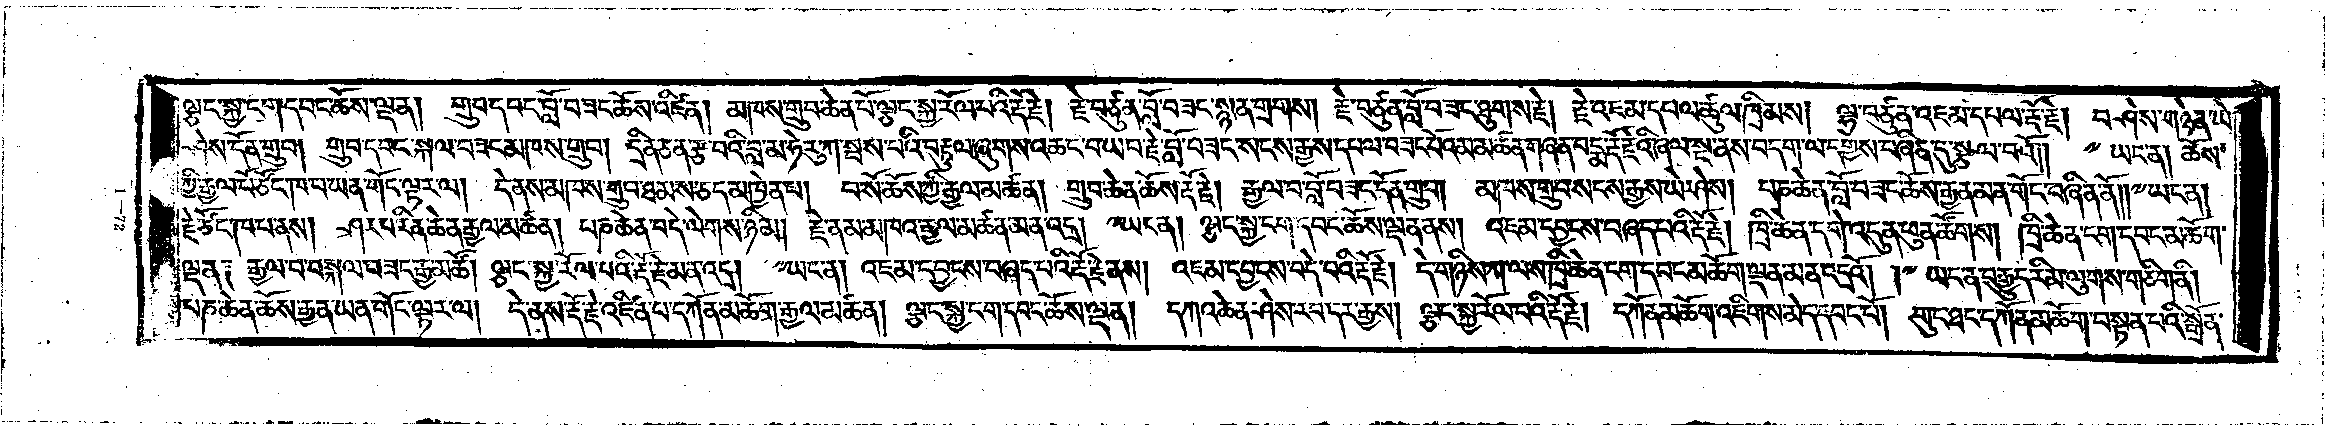ལྕང་སྐྱ་ངག་དབང་ཆོས་ལྡན། གྲུབ་དབང་བློ་བཟང་ཆོས་འཛིན། མཁས་གྲུབ་ཆེན་པོ་ལྕང་སྐྱ་རོལ་པའི་རྡོ་རྗེ། རྗེ་བཙུན་བློ་བཟང་སྙན་གྲགས། རྗེ་བཙུན་བློ་བཟང་ཐུགས་རྗེ། རྗེ་འཇམ་དཔལ་ཚུལ་ཁྲིམས་ལྷ་བཙུན་འཇམ་དཔལ་རྡོ་རྗེ། བཤེས་གཉེན་ཡེ་
ཤེས་དོན་གྲུབ། གྲུབ་དབང་སྐལ་བཟང་མཁས་གྲུབ། དྲིན་ཅན་རྩ་བའི་བླ་མ་ཧེ་རུ་ཀ་སྦས་པའི་བརྟུལ་ཐུགས་འཆང་བ་ཡབ་རྗེ་བློ་བཟང་སངས་རྒྱས་དཔལ་བཟང་པོའམ་མཚན་གཞན་པདམ་རྡོ་རྗེའི་བཞལ་སྔ་ནས་བདག་ལ་དགྱེས་བཞིན་དུ་སྩལ་བའོ།། ༧ཡང་ན། ཆོས་
ཀྱི་རྒྱལ་པོ་ཙོང་ཁ་པ་ཡན་གོང་ལྟར་ལ། དེ་ནས་མཁས་གྲུབ་ཐམས་ཅད་མཁྱེན་པ། པ་སོ་ཆོས་ཀྱི་རྒྱལ་མཚན། གྲུབ་ཆེན་ཆོས་རྡོ་རྗེ། རྒྱལ་བ་བློ་བཟང་དོན་གྲུབ། མཁས་གྲུབ་སངས་རྒྱས་ཡེ་ཤེས། པཎ་ཆེན་བློ་བཟང་ཆོས་རྒྱན་མན་གོང་བཞིན་ནོ།། ༧ཡང་ན།
རྗེ་ཙོང་ཁ་པ་ནས། ཤར་པ་རིན་ཆེན་རྒྱལ་མཚན། པཎ་ཆེན་བདེ་ལེགས་ཉི་མ། རྗེ་ནམཁའ་རྒྱལ་མཚན་མན་འདྲ། ༧ཡང་ན། ལྕང་སྐྱ་ངག་དབང་ཆོས་ལྡན་ནས། འཇམ་དབྱངས་བཞད་པའི་རྡོ་རྗེ། ཁྲི་ཆེན་དགེ་འདུན་ཕུན་ཚོགས། ཁྲི་ཆེན་ངག་དབང་མཆོག་
ལྡང༑ རྒྱལ་བ་བསྐལ་བཟང་རྒྱ་མཚོ། ལྕང་སྐྱ་རོལ་པའི་རྡོ་རྗེ་མན་འདྲ། ༧ཡང་ན། འཇམ་དབྱངས་བཞད་པའི་རྡོ་རྗེ་ནས། འཇམ་དབྱངས་བདེ་བའི་རྡོ་རྗེ། དེ་གཉིས་ཀ་ལས་ཁྲི་ཆེན་ངག་དབང་མཆོག་ལྡན་མན་འདྲའོ། །༧ཡང་ན་བརྒྱུད་རིམ་ལུགས་གཅིག་ནི།
པཎ་ཆེན་ཆོས་རྒྱན་ཡན་གོང་ལྟར་ལ། དེ་ནས་རྡོ་རྗེ་འཛིན་པ་དཀོན་མཆོག་རྒྱལ་མཚན། ལྕང་སྐྱ་ངག་དབང་ཆོས་ལྡན། དཀའ་ཆེན་ཤེས་རབ་དར་རྒྱས། ལྕང་སྐྱ་རོལ་བའི་རྡོ་རྗེ། དཀོན་མཆོག་འཇིགས་མེད་དབང་པོ། གུང་ཐང་དཀོན་མཆོག་བསྟན་པའི་སྒྲོན་